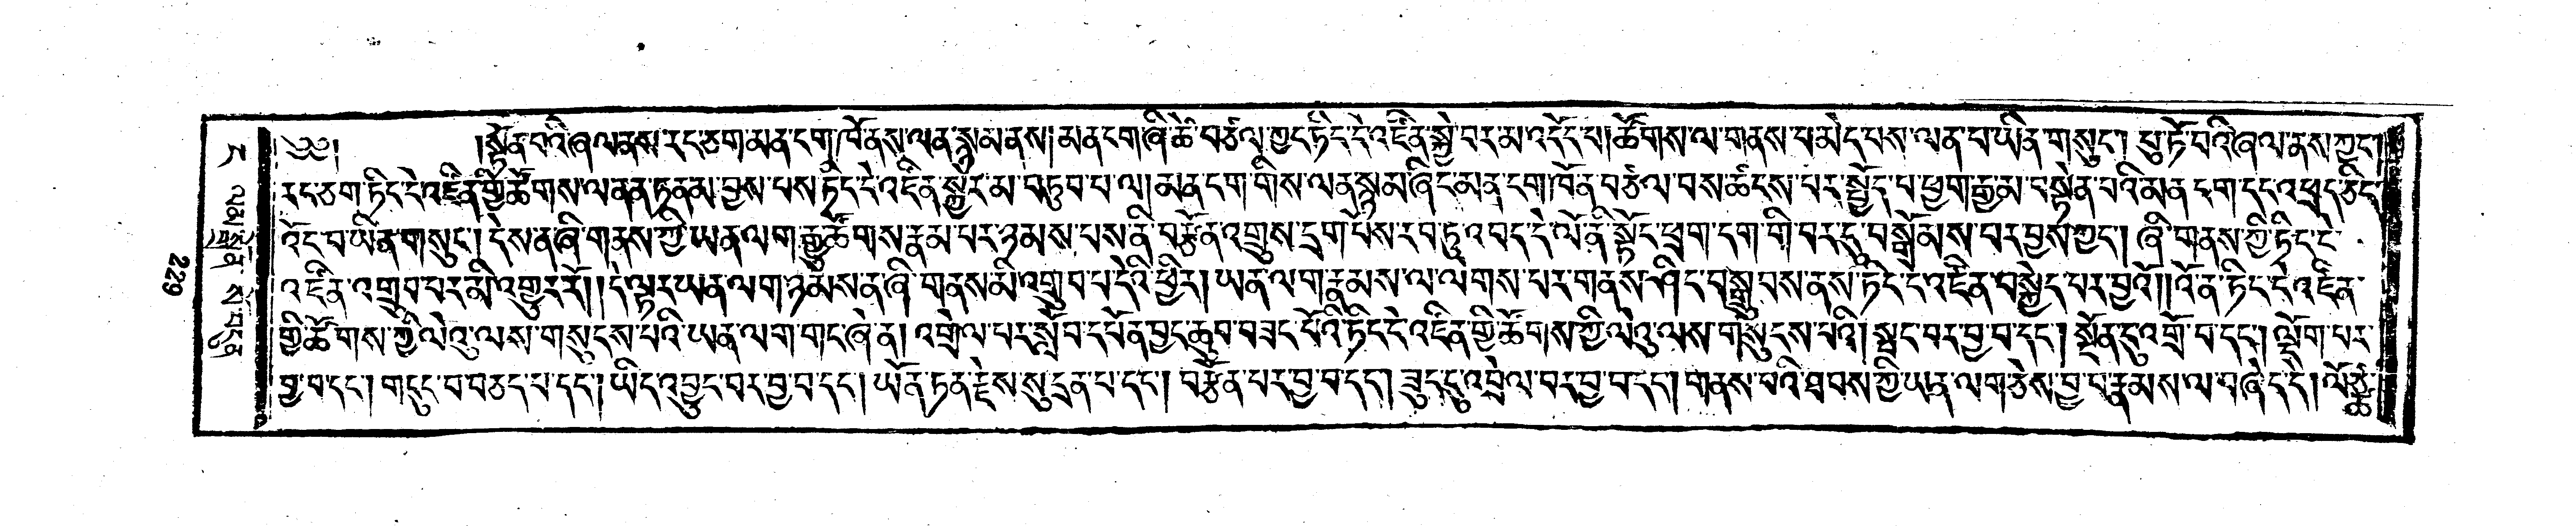༄༅། །སྟོན་པའི་ཞལ་ནས་རང་ཅག་མན་ངག་ཁོ་ནས་ལན་བར་མ་འདོད་པ། ཚོགས་ལ་གནས་པ་མེད་པས་ལན་པ་ཡིན་གསུང་། པུ་བར་མ་འདོད་པ། ཚོགས་ལ་གནས་པ་མེད་པས་ལན་པ་ཡིན་གསུང་། པུ་ཏོ་བའི་ཞལ་ནས་ཀྱང་།
རང་ཅག་ཏིང་ངེ་འཛིན་གྱི་ཚོགས་ལ་ནན་ཏན་མ་བྱས་པས་ཏིང་ངེ་འཛིན་སྐྱེར་མ་བཏུབ་པ་ལ། མན་ངག་གིས་ལན་སྙམ་ཞིང་མན་ངག་ཁོ་ན་བཙལ་བས་ཚངས་པར་སྤྱོད་པ་ཕྱག་རྒྱ་མ་བསྟེན་པའི་མན་ངག་དང་འཕྲད་ཅིང་
འོང་བ་ཡིན་གསུང་། དེས་ན་ཞི་གནས་ཀྱི་ཡན་ལག་རྒྱུ་ཚོགས་རྣམ་པར་ཉམས་པས་ནི་བརྩོན་འགྲུས་དྲག་པོས་རབ་ཏུ་འབད་དེ་ལོ་ནི་སྟོང་ཕྲག་དག་གི་བར་དུ་བསྒོམས་པར་བྱས་ཀྱང་། ཞི་གནས་ཀྱི་ཏིང་ངེ་
འཛིན་འགྲུབ་པར་མི་འགྱུར་རོ། །དེ་ལྟར་ཡན་ལག་ཉམས་ན་ཞི་གནས་མི་འགྲུབ་པ་དེའི་ཕྱིར། ཡན་ལག་རྣམས་ལ་ལེགས་པར་གནས་ཤིང་བསྒྲུབས་ནས་ཏིང་ངེ་འཛིན་བསྐྱེད་པར་བྱའོ། །འོ་ན་ཏིང་ངེ་འཛིན་
གྱི་ཚོགས་ཀྱི་ལེའུ་ལས་གསུངས་པའི་ཡན་ལག་གང་ཞེ་ན། འགྲེལ་པར་སློབ་དཔོན་བྱང་ཆུབ་བཟང་པོའི་ཏིང་ངེ་འཛིན་གྱི་ཚོགས་ཀྱི་ལེའུ་ལས་གསུངས་པའི། སྤང་བར་བྱ་བ་དང་། སྔོན་དུ་འགྲོ་བ་དང་། ལྡོག་པར་
བྱ་བ་དང་། གདུང་བ་བཅད་པ་དང་། ཡིད་འབྱུང་བར་བྱ་བ་དང་། ཡོན་ཏན་རྗེས་སུ་དྲན་པ་དང་། བརྩོན་པར་བྱ་བ་དང་། ཟུང་དུ་འབྲེལ་བར་བྱ་བ་དང་། གནས་པའི་ཐབས་ཀྱི་ཡན་ལག་ཅེས་བྱ་བ་རྣམས་ལ་བཞེད་དེ། ལོཙྪ་